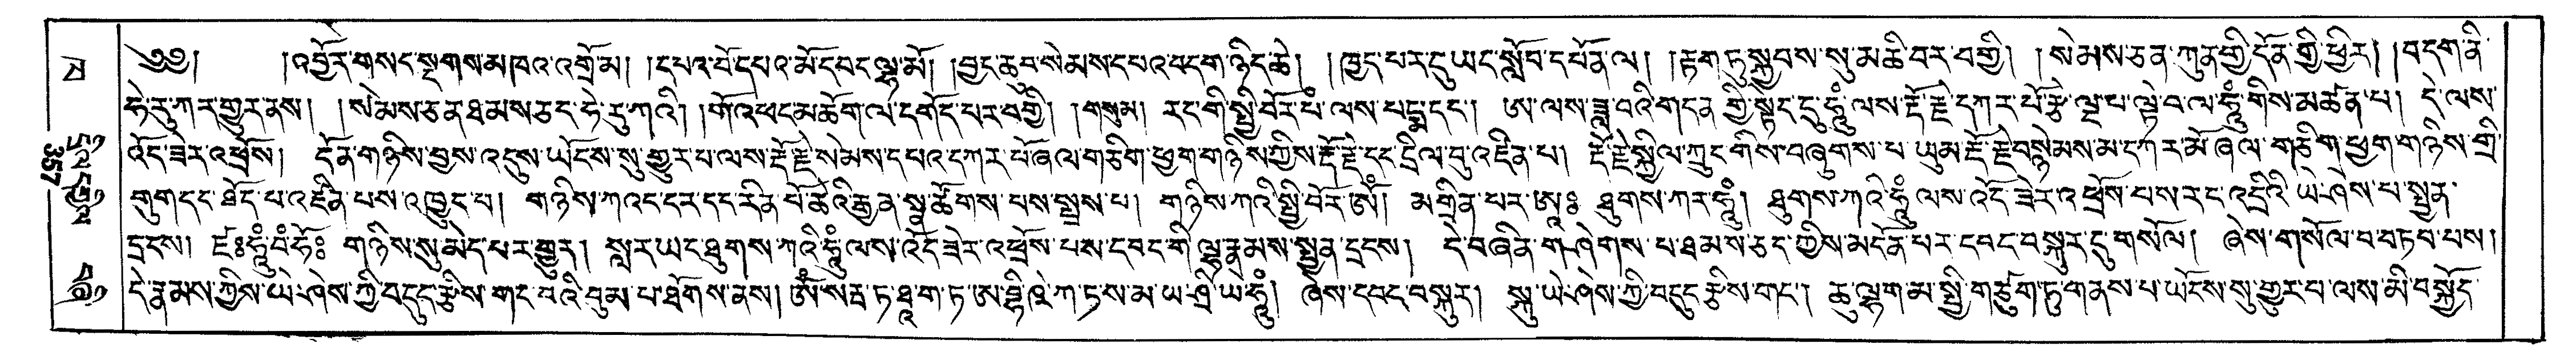༄༅། །འབྱོར་གསང་སྔགས་མཁའ་འགྲོ་མ། །དཔའ་བོ་དཔའ་མོ་དབུང་ལྷ་མོ། །བྱང་ཆུབ་སེམས་དཔའ་བདག་ཉིད་ཆེ། །ཁྱད་པར་དུ་ཡང་སློབ་དཔོན་ལ། །རྟག་ཏུ་སྐྱབས་སུ་མཆི་བར་བགྱི། །སེམས་ཅན་ཀུན་གྱི་དོན་གྱི་ཕྱིར། །བདག་ནི་
ཧེ་རུ་ཀར་གྱུར་ནས། །སེམས་ཅན་ཐམས་ཅད་ཧེ་རུ་ཀའི། །གོ་འཕང་མཆོག་ལ་དགོད་པར་བགྱི། །གསུམ། རང་གི་སྤྱི་བོར་པཾ་ལས་པདམ་དང་། ཨ་ལས་ཟླ་བའི་གདན་གྱི་སྟེང་དུ་ཧཱུཾ་ལས་རྡོ་རྗེ་དཀར་པོ་རྩེ་ལྔ་པ་ལྟེ་བ་ལ་ཧཱུཾ་གིས་མཚན་པ། དེ་ལས་
འོད་ཟེར་འཕྲོས། དོན་གཉིས་བྱས་འདུས་ཡོངས་སུ་གྱུར་པ་ལས་རྡོ་རྗེ་སེམས་དབའ་དཀར་པོ་ཞལ་གཅིག་ཕྱག་གཉིས་ཀྱིས་རྡོ་རྗེ་དང་དྲིལ་བུ་འཛིན་པ། རྡོ་རྗེ་སྐྱིལ་ཀྲུང་གིས་བཞུགས་པ་ཡུམ་རྡོ་རྗེ་བསྙེམས་མ་དཀར་མོ་ཞལ་གཅིག་ཕྱག་གཉིས་གི་
གུག་དང་ཐོང་པ་འཛིན་པས་འཁྱུད་པ། གཉིས་ཀའང་དར་དང་རིན་པོ་ཆེའི་རྒྱན་སྣ་ཚོགས་པས་སྤྲས་པ། གཉིས་ཀའི་སྤྱི་བོར་ཨོཾ། མགྲིན་པར་ཨཱཿ ཐུགས་ཀར་ཧཱུཾ། ཐུགས་ཀའི་ཧཱུཾ་ལས་འོད་ཟེར་འཕྲོས་པས་རང་འདྲའི་ཡེ་ཤེས་པ་སྤྱན་
དྲངས། ཛཿ ཧཱུཾ་བཾ་ཧོཿ གཉིས་སུ་མེད་པར་གྱུར། སླར་ཡང་ཐུགས་ཀའི་ཧཱུཾ་ལས་འོད་ཟེར་འཕྲོས་པས་དབང་གི་ལྷ་རྣམས་སྤྱན་དྲངས། དེ་བཞིན་གཤེགས་པ་ཐམས་ཅད་ཀྱིས་མངོན་པར་དབང་བསྐུར་དུ་གསོལ། ཞེས་གསོལ་བ་བཏབ་པས།
དེ་རྣམས་ཀྱིས་ཡེ་ཤེས་ཀྱི་བདུད་རྩིས་གང་བའི་བུམ་པ་ཐོགས་ནས། ཨོཾ་སརྦ་ཏ་ཐཱ་ག་ཏ་ཨ་བྷི་ཥེ་ཀ་ཏ་ས་མ་ཡ་ཤྲི་ཡེ་ཧཱུཾ། ཞེས་དབང་བསྐུར། སྐུ་ཡེ་ཤེས་ཀྱི་བདུད་རྩིས་གང་། ཆུ་ལྷག་མ་སྤྱི་གཙུག་ཏུ་གནས་པ་ཡོངས་སུ་གྱུར་པ་ལས་མི་བསྐྱོད་